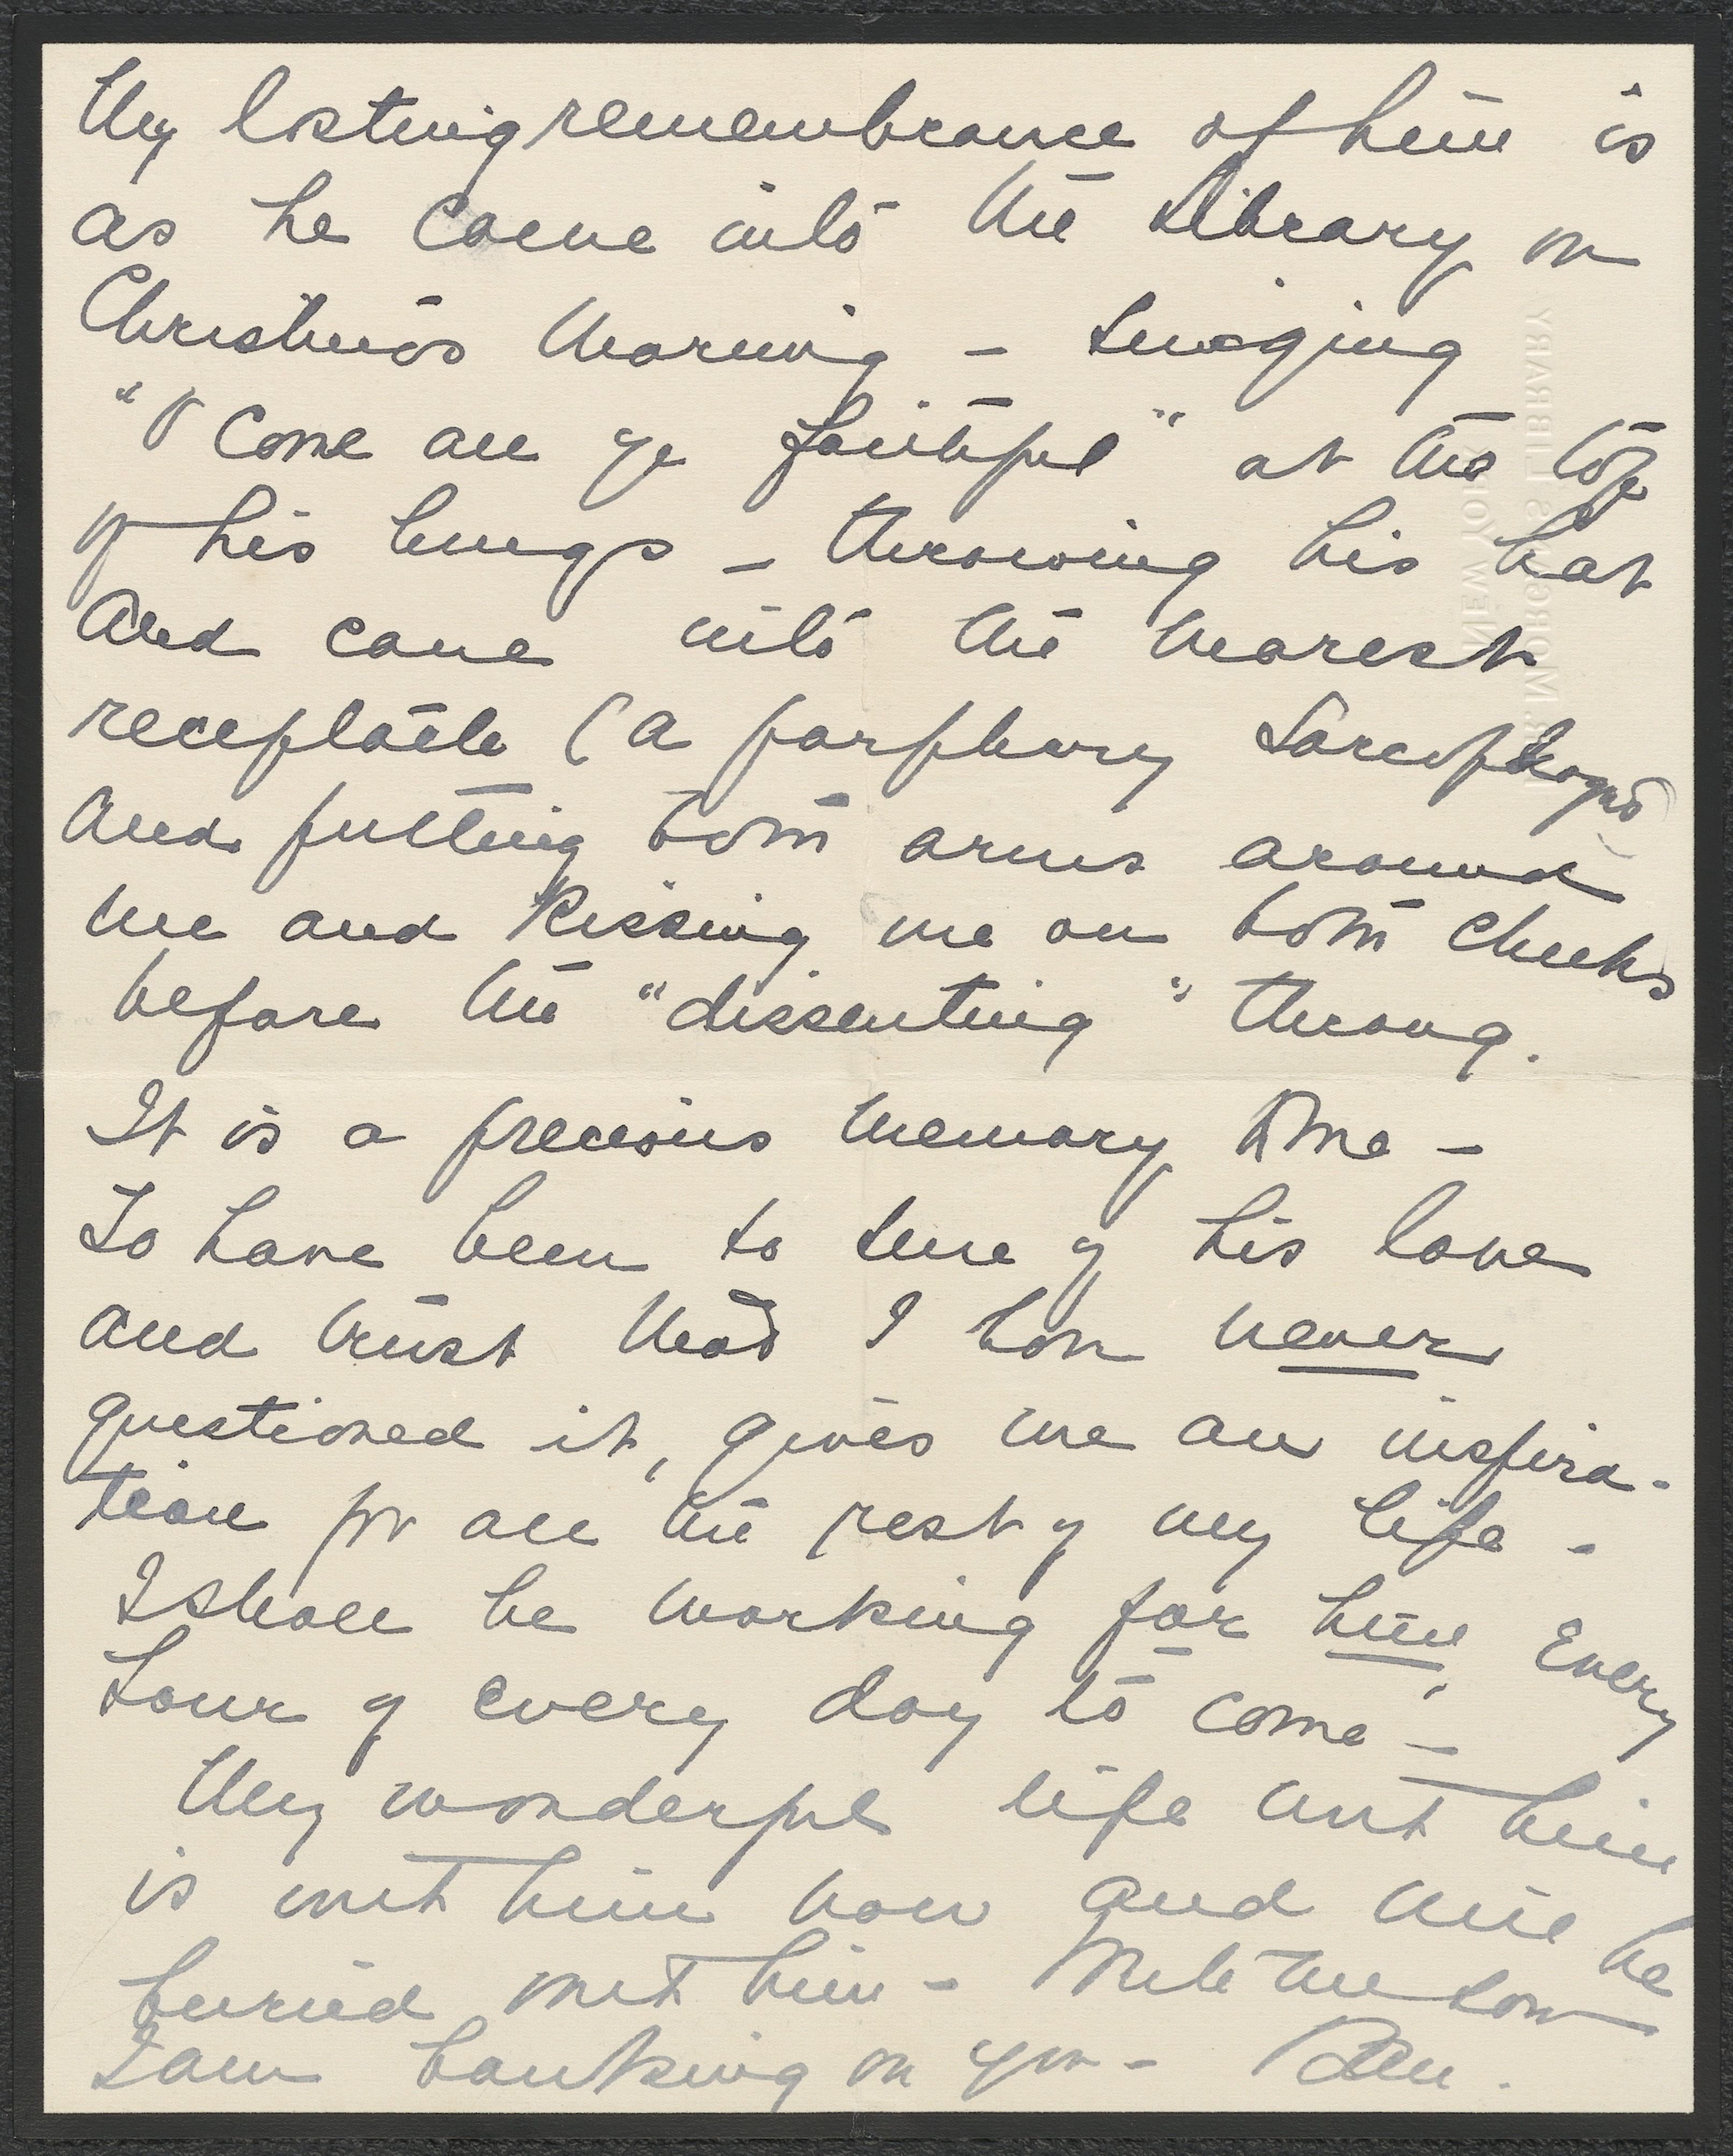My lasting remembrance of him is as he came into the Library on Christmas Morning – singing “O come all ye faithful” at the top of his lungs – throwing his hat and cane into the nearest receptacle (a porphery [sic] sarcophagus) and putting both arms around me and kissing me on both cheeks before the “dissenting” throng. It is a precious memory to me –
To have been so sure of his love and trust that I have never questioned it, gives me an inspiration for all the rest of my life – I shall be working for him, every hour of every day to come –
My wonderful life with him is with him now and will be buried with him – write me soon I am banking on you – Belle.